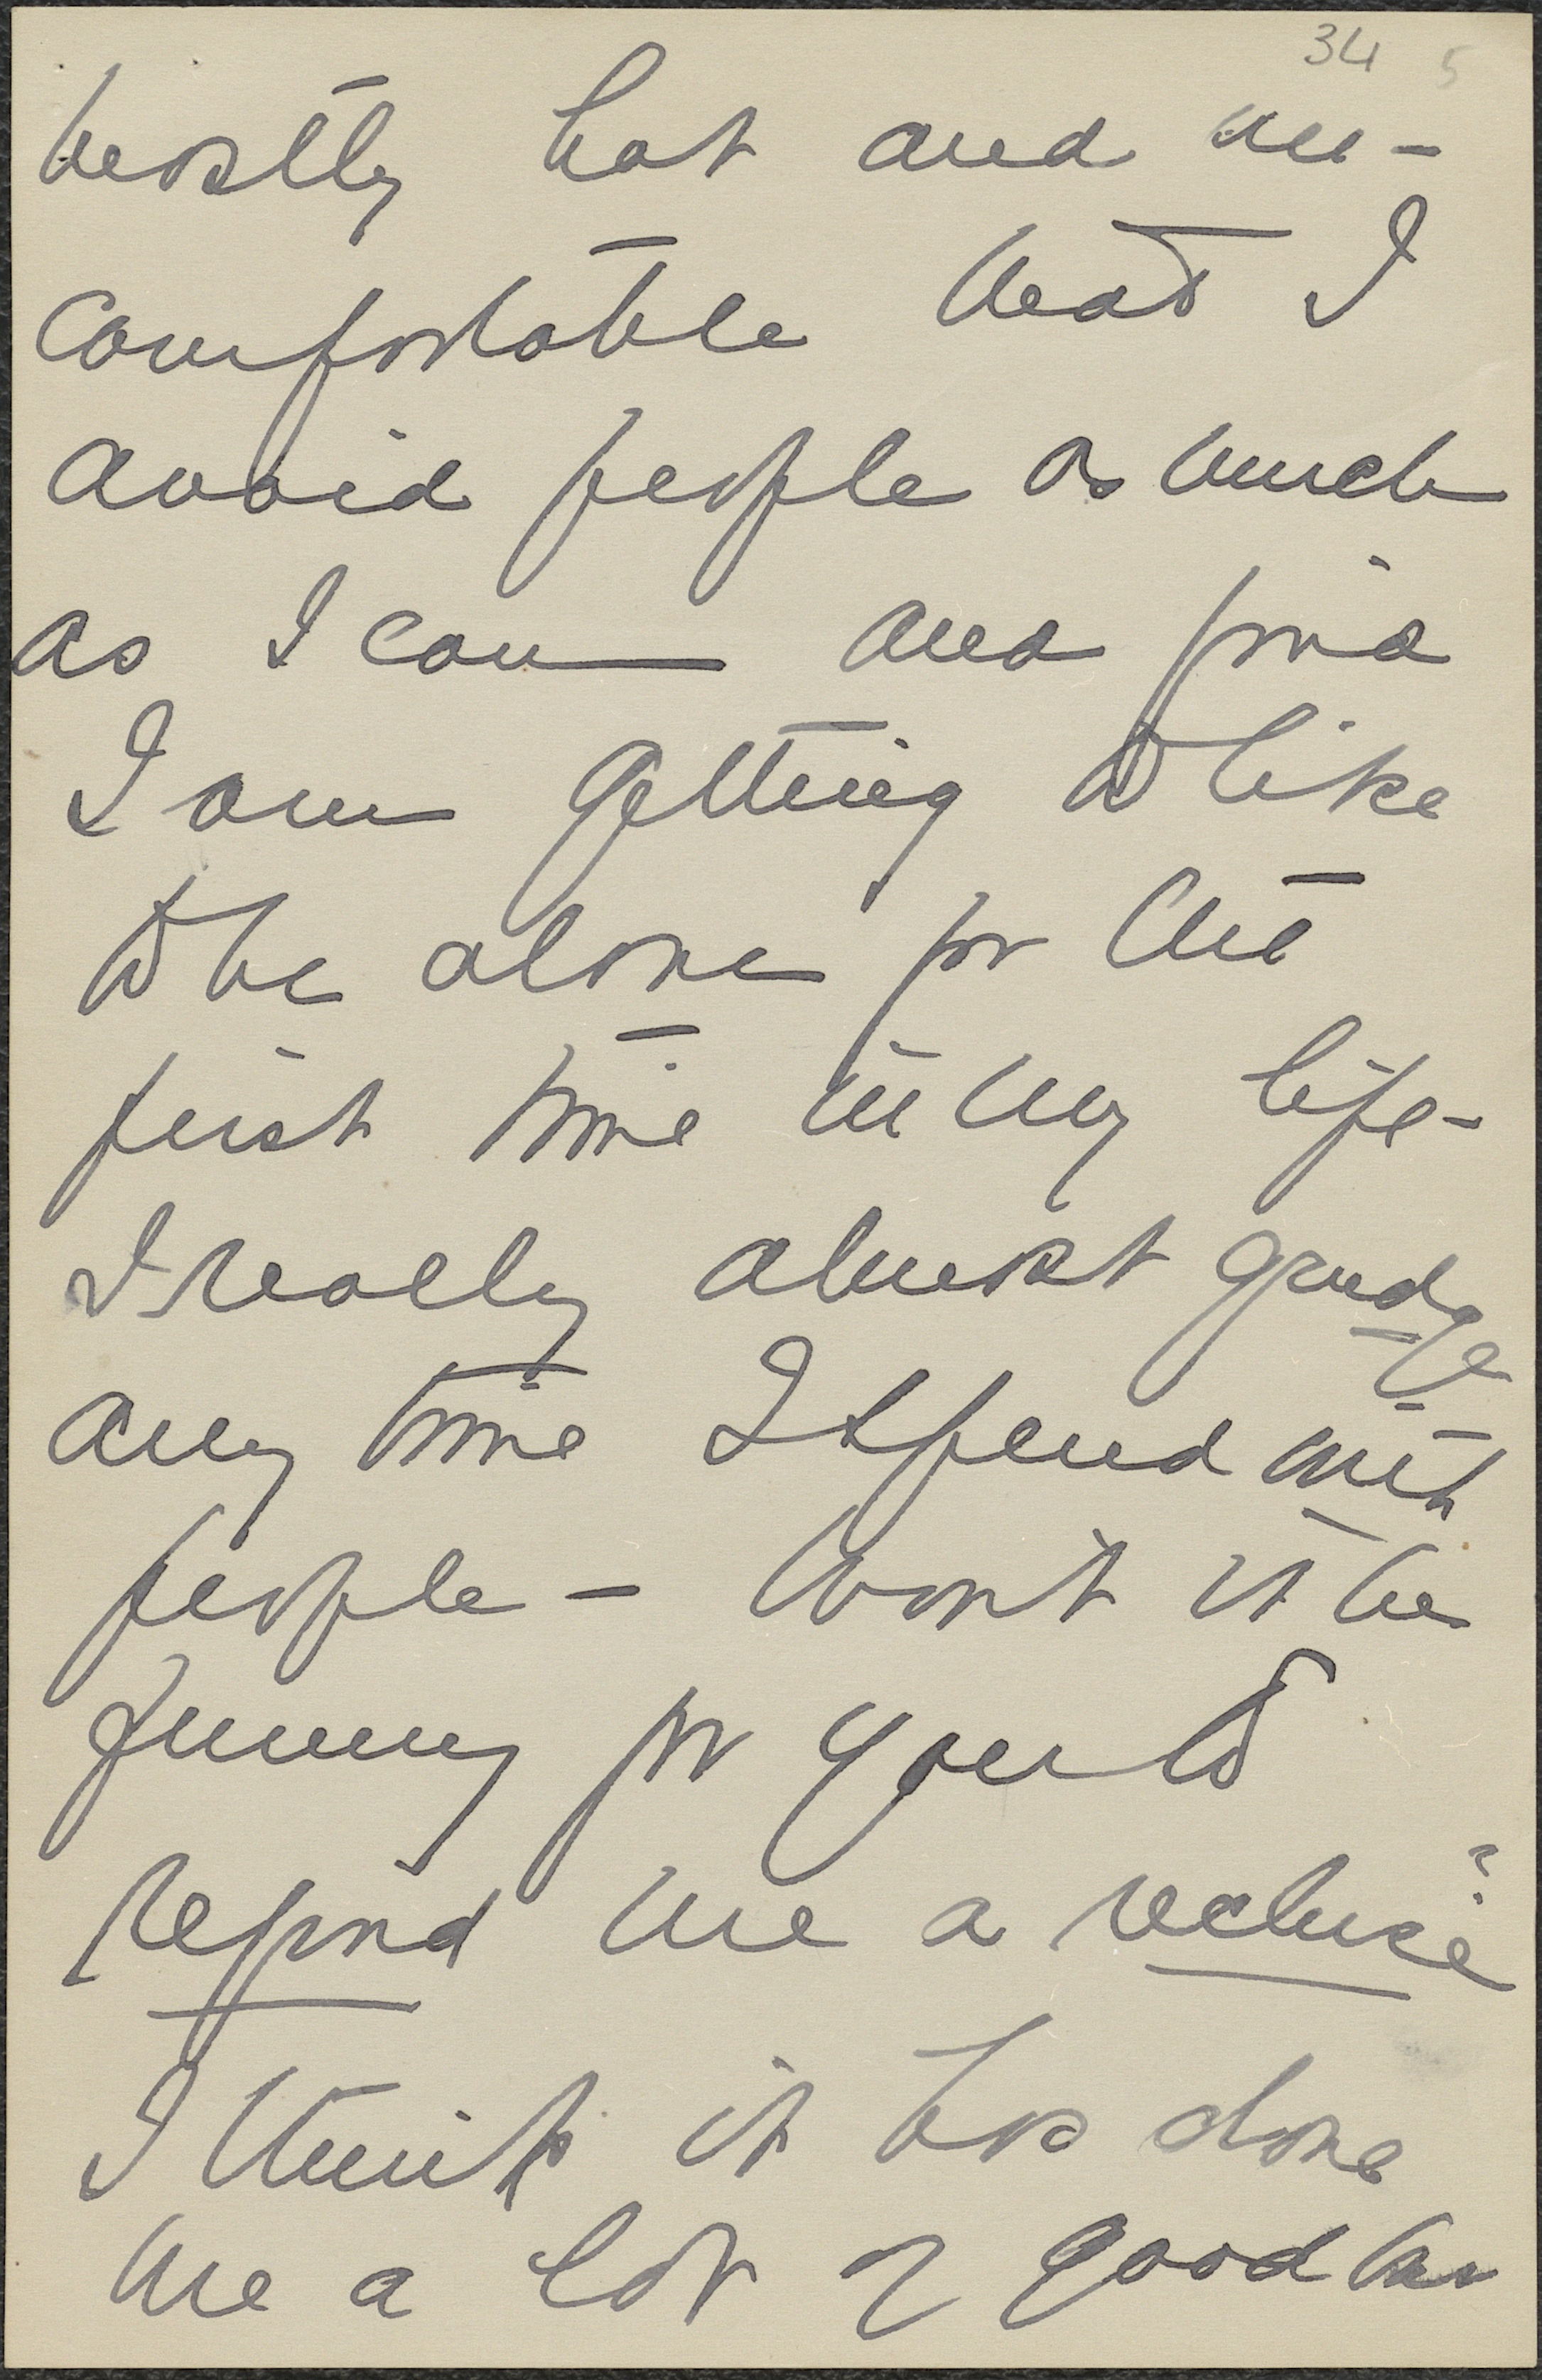beastly hot and uncomfortable that I avoid people as much as I can and find I am getting to like to be alone for the first time in my life – I really almost grudge any time I spend with people – Won’t it be funny for you to refind me a recluse? I think it has done me a lot of good but